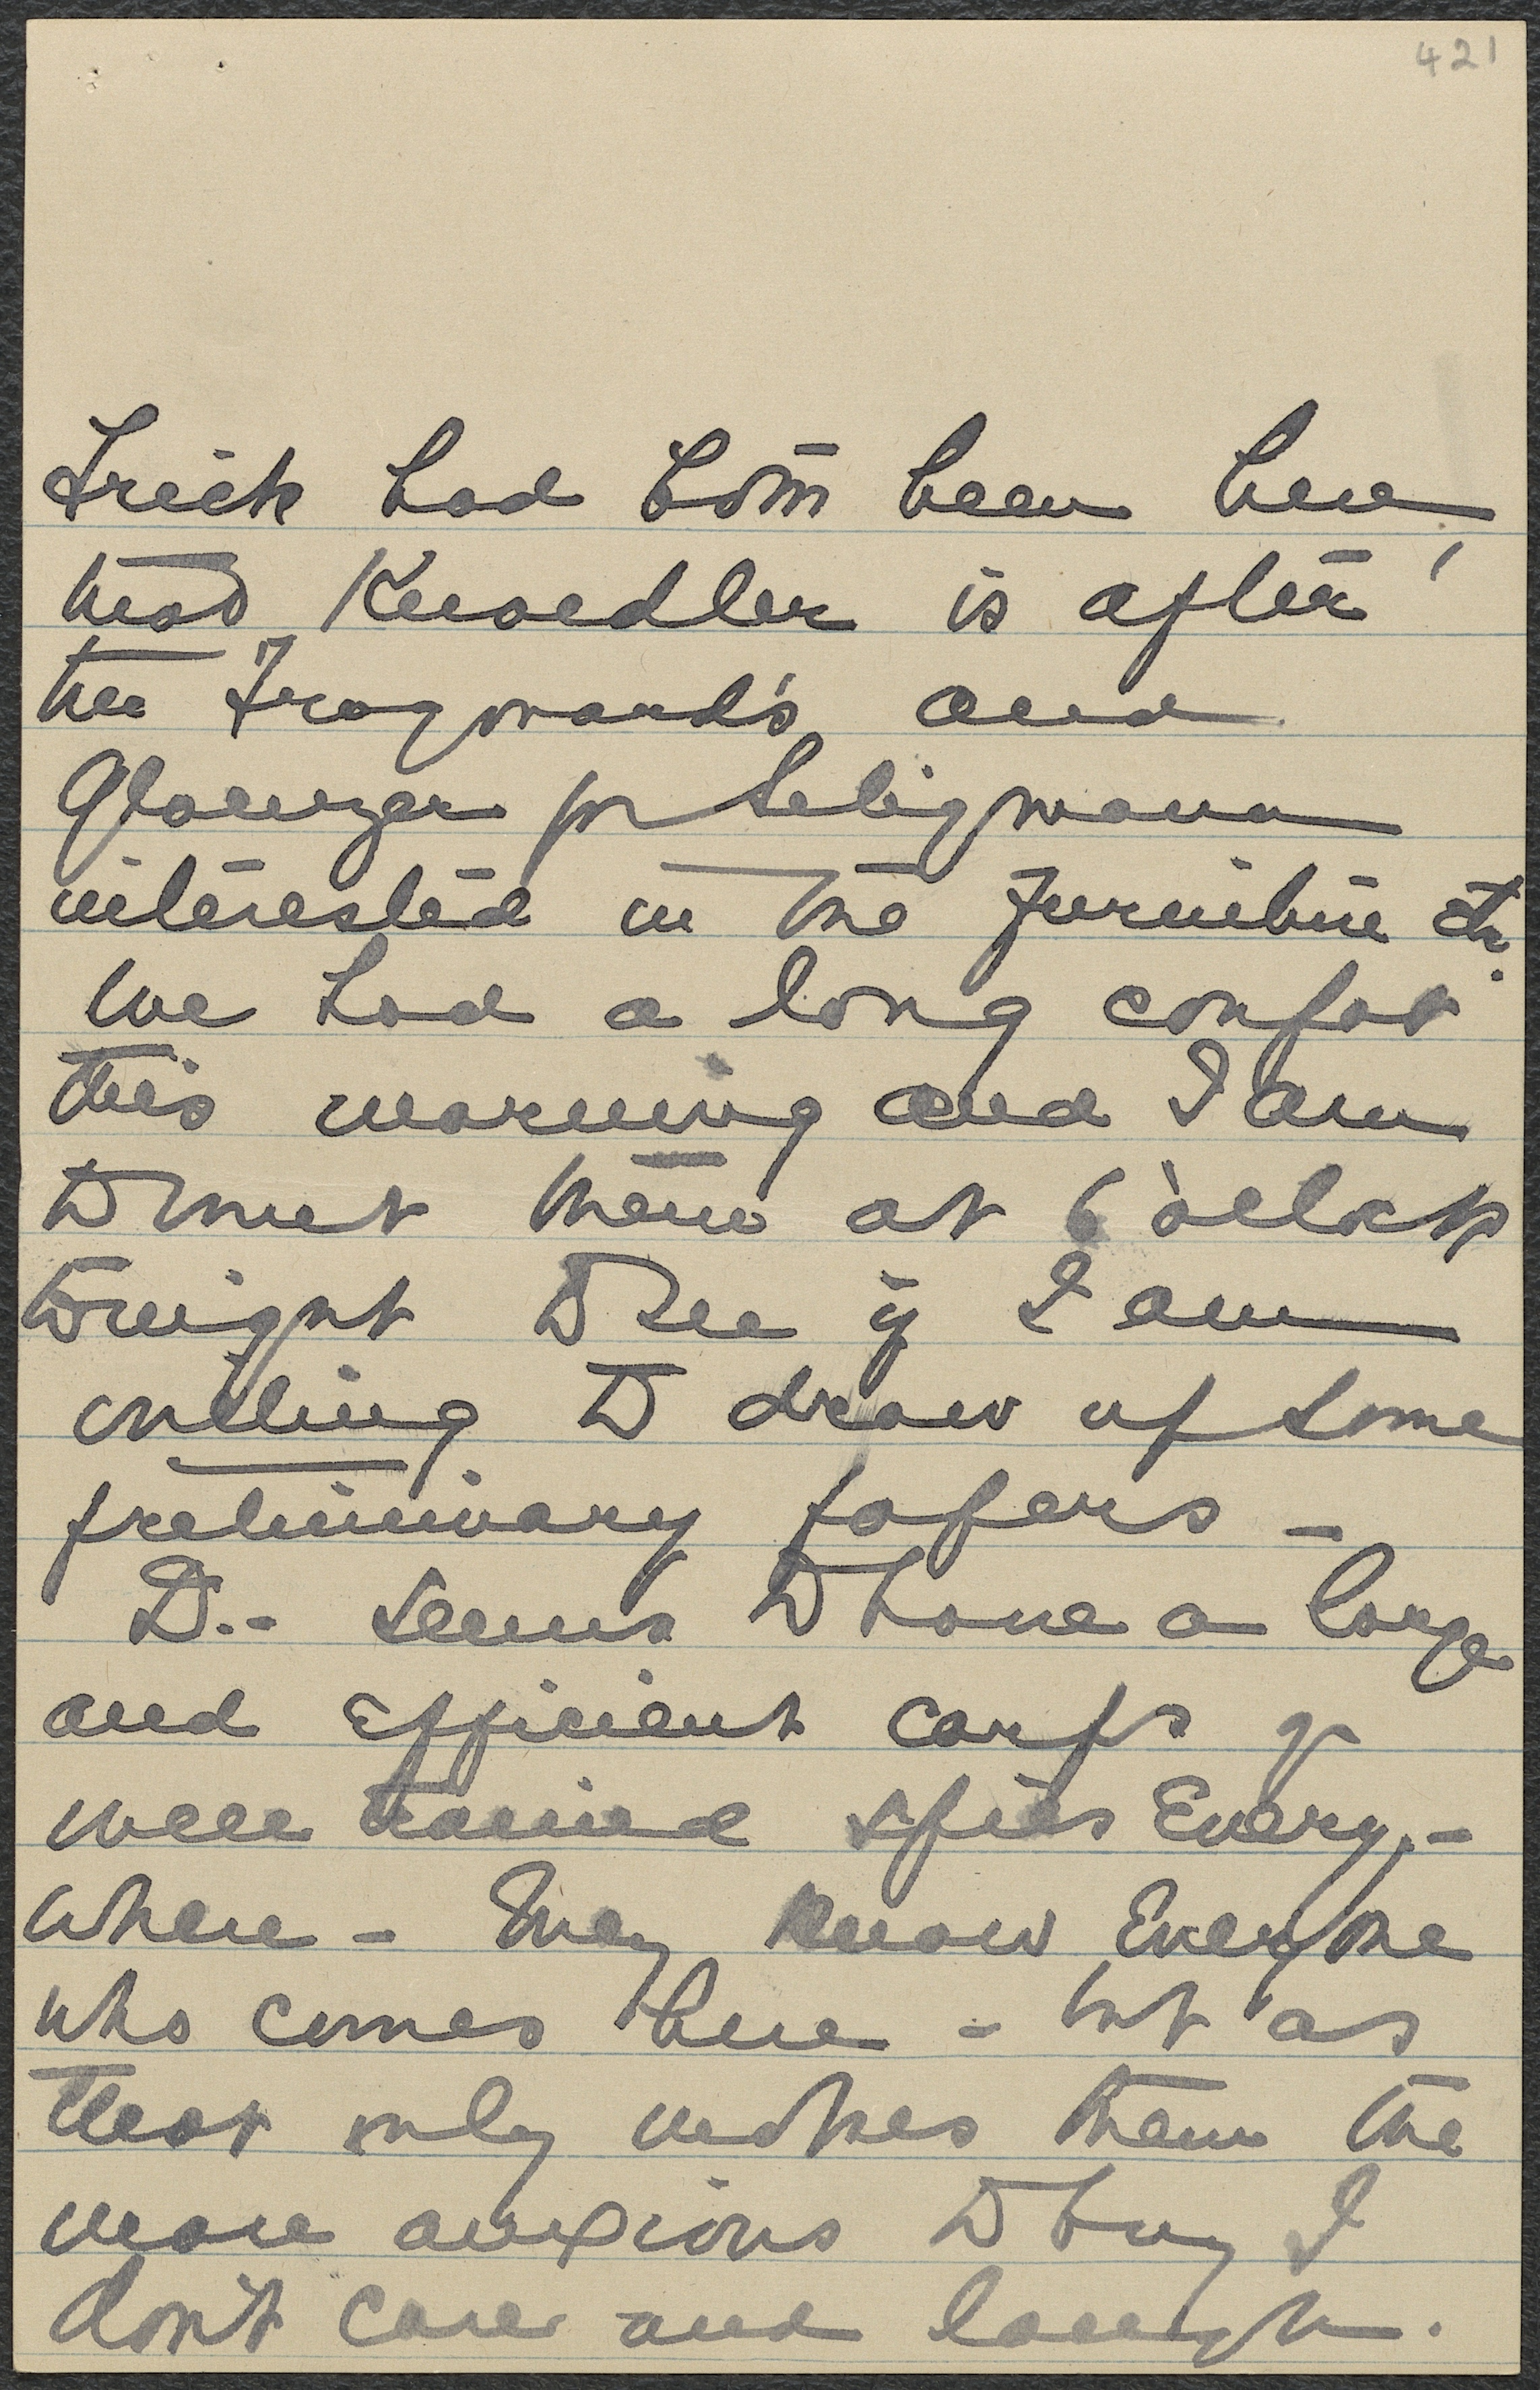Frick had both been here, that Knoedler is after the Fragonard’s and Glaenzer for Seligmann interested in the furniture etc. we had a long confer this morning and I am to meet them at 6 o’clock tonight to see if I am willing to draw up some preliminary papers – D. seems to have a large and efficient corps of well trained spies everywhere – They know everyone who comes here – but as that only makes them the more anxious to buy I don’t care and laugh.